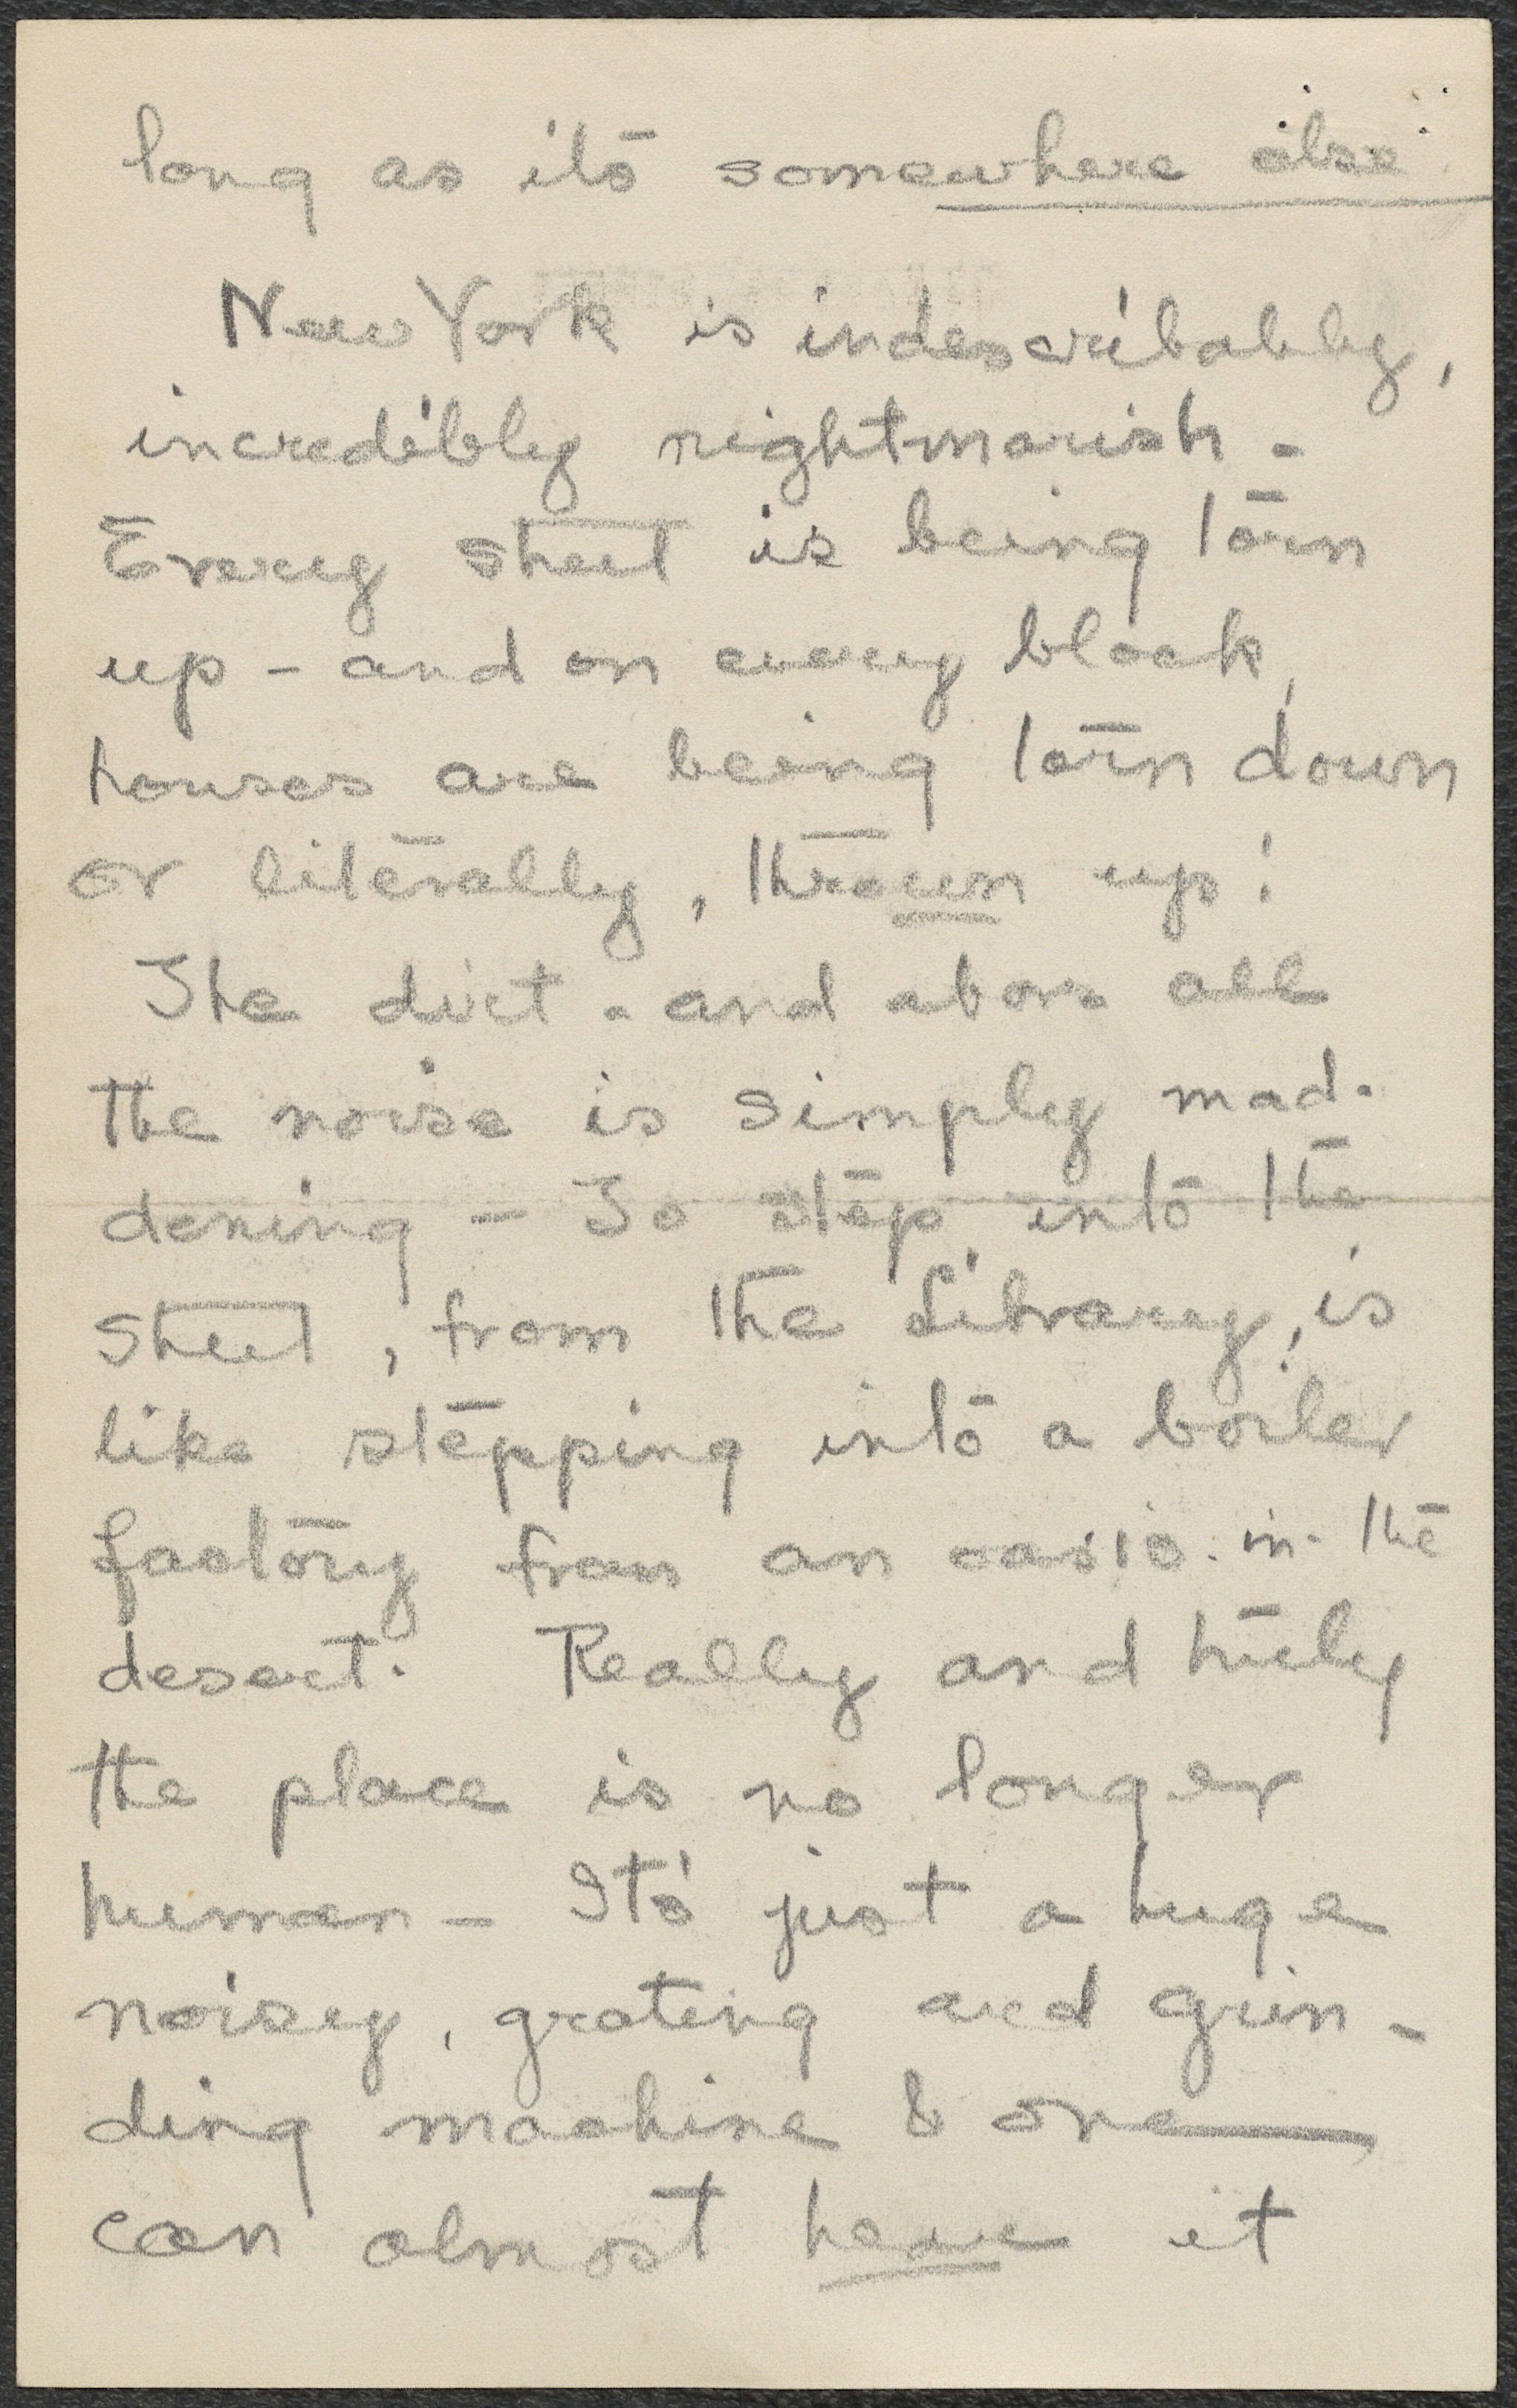long as it’s somewhere else.
New York is indescribably, incredibly nightmarish – Every street is being torn up – and on every block, houses are being torn down or literally, thrown up!
The dirt, and above all the noise is simply maddening – To step into the street, from the Library, is like stepping into a boiler factory from an oasis-in-the desert. Really and truly the place is no longer human – It’s just a huge noisy, grating and grinding machine & one can almost hear it